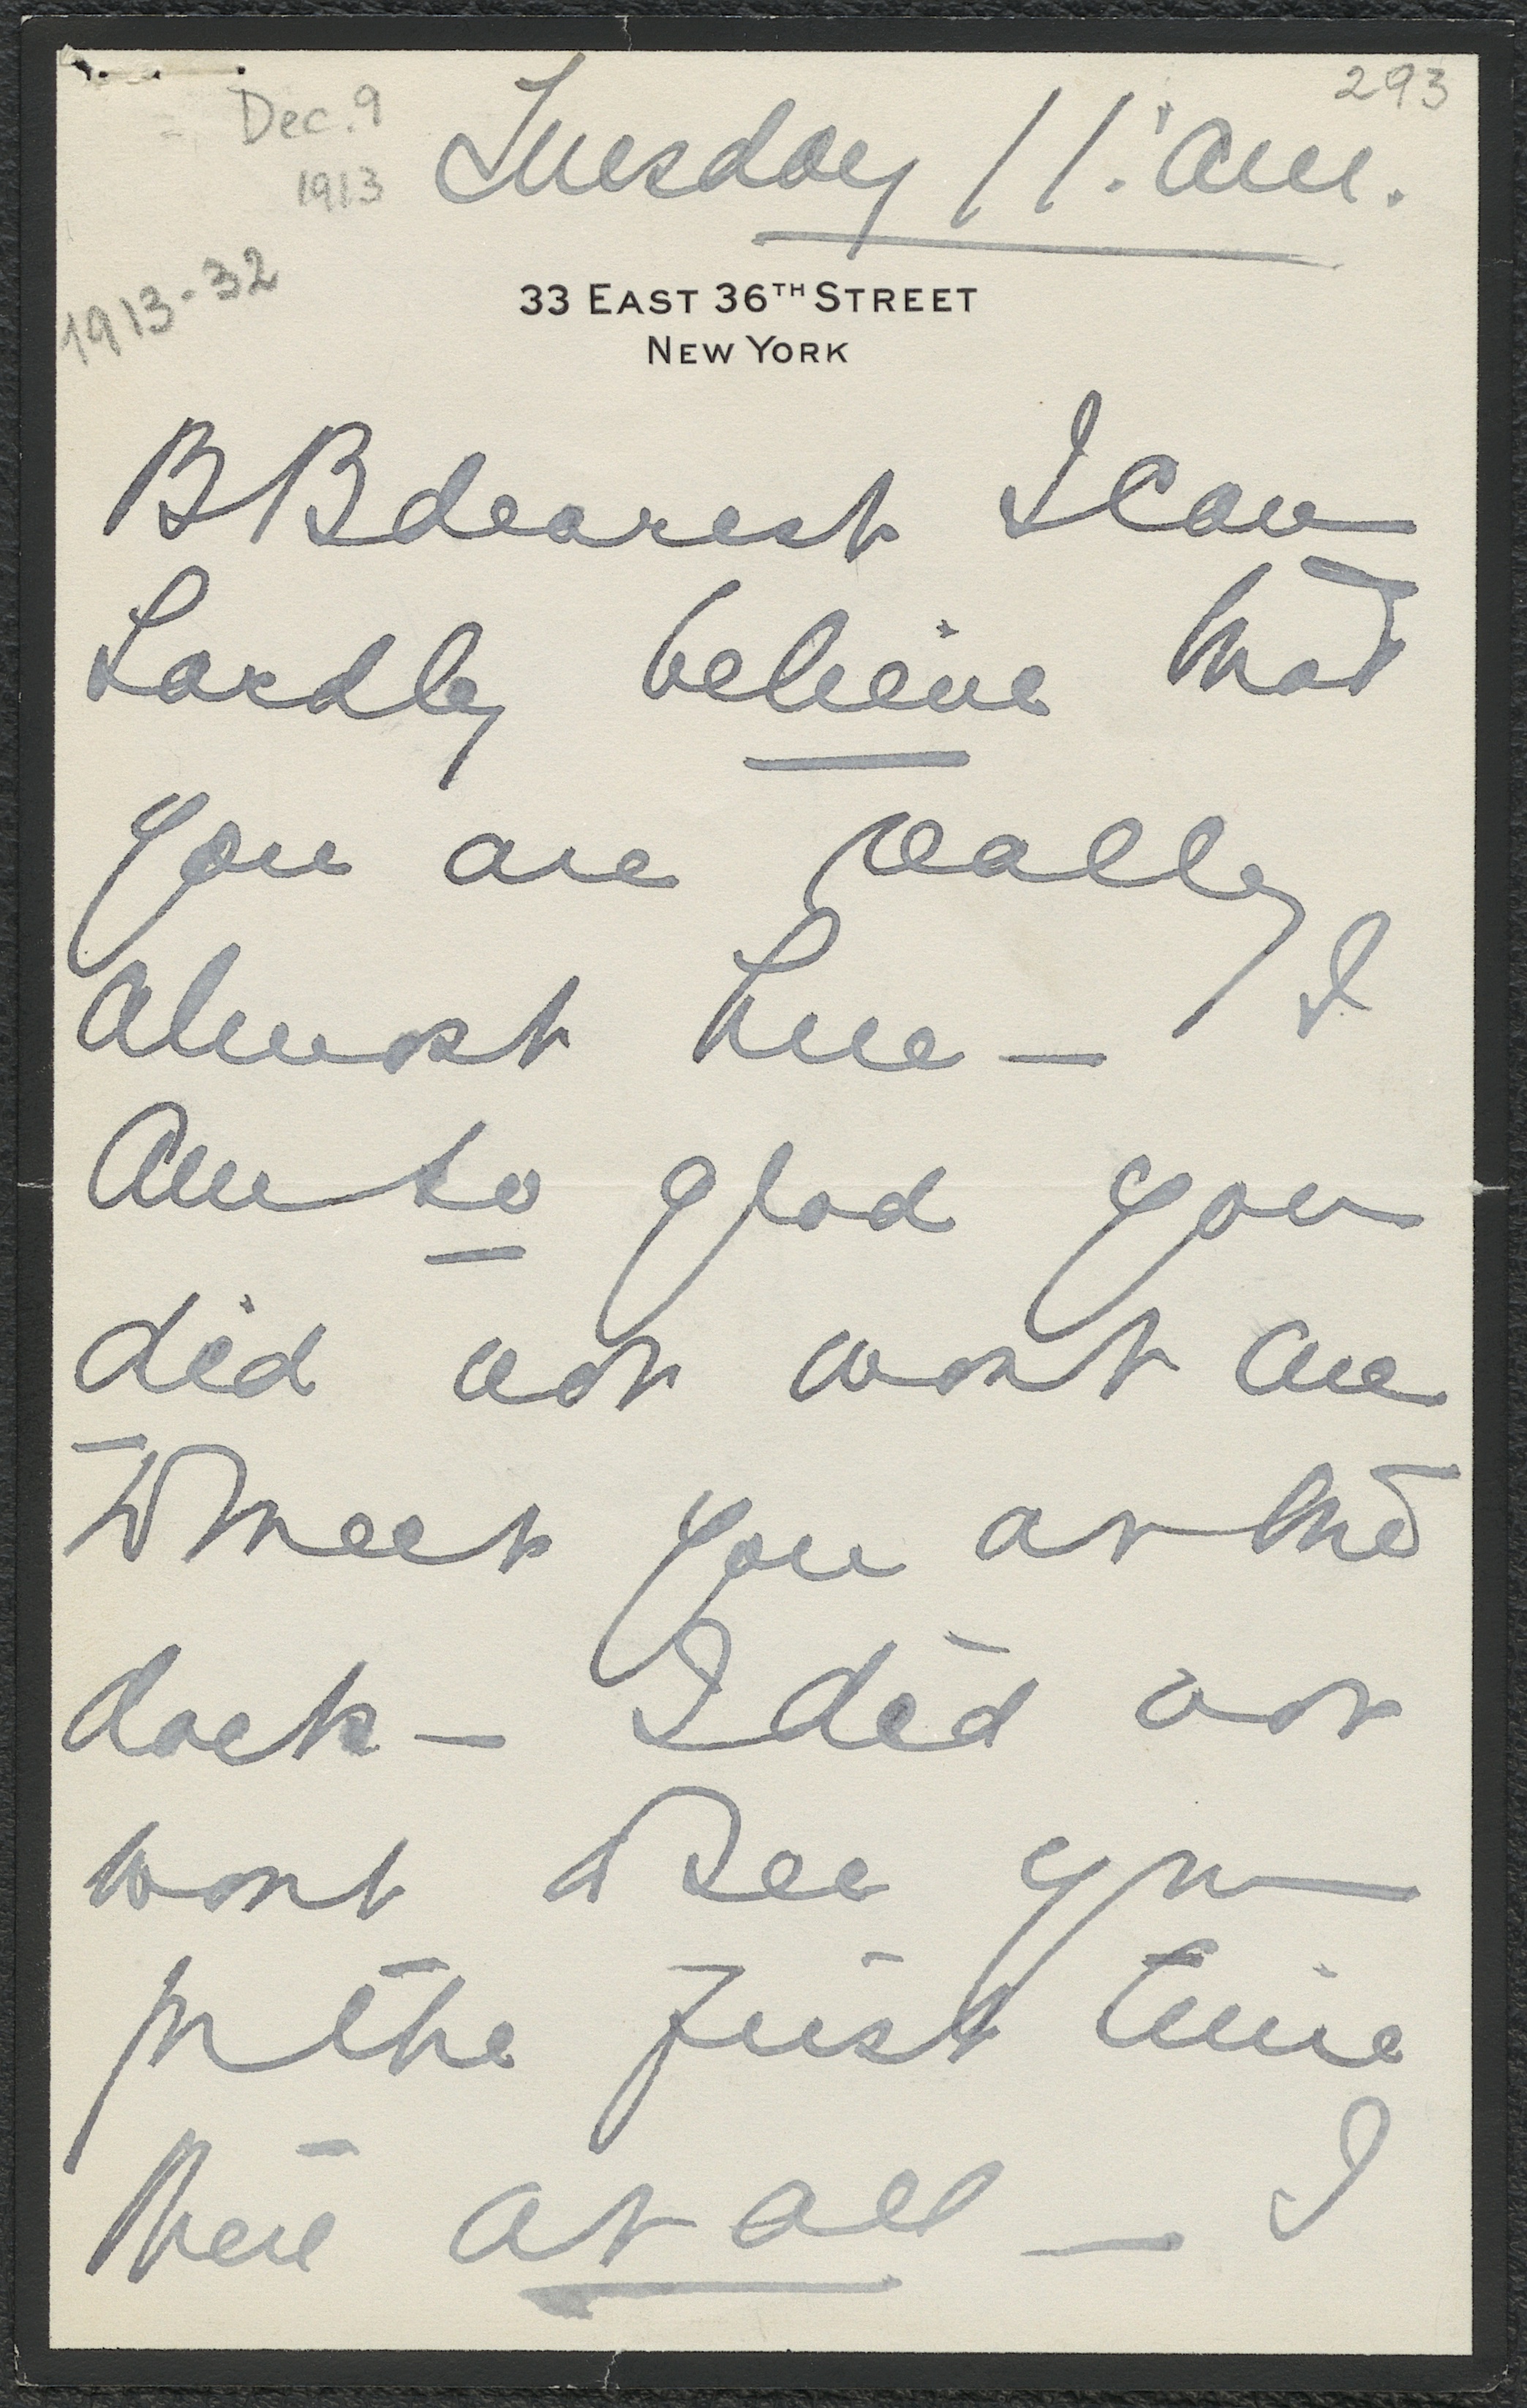Tuesday 11:am.
BB dearest I can hardly believe that you are really almost here – I am so glad you did not want me to meet you at the dock – I did not want to see you for the first time there at all – I